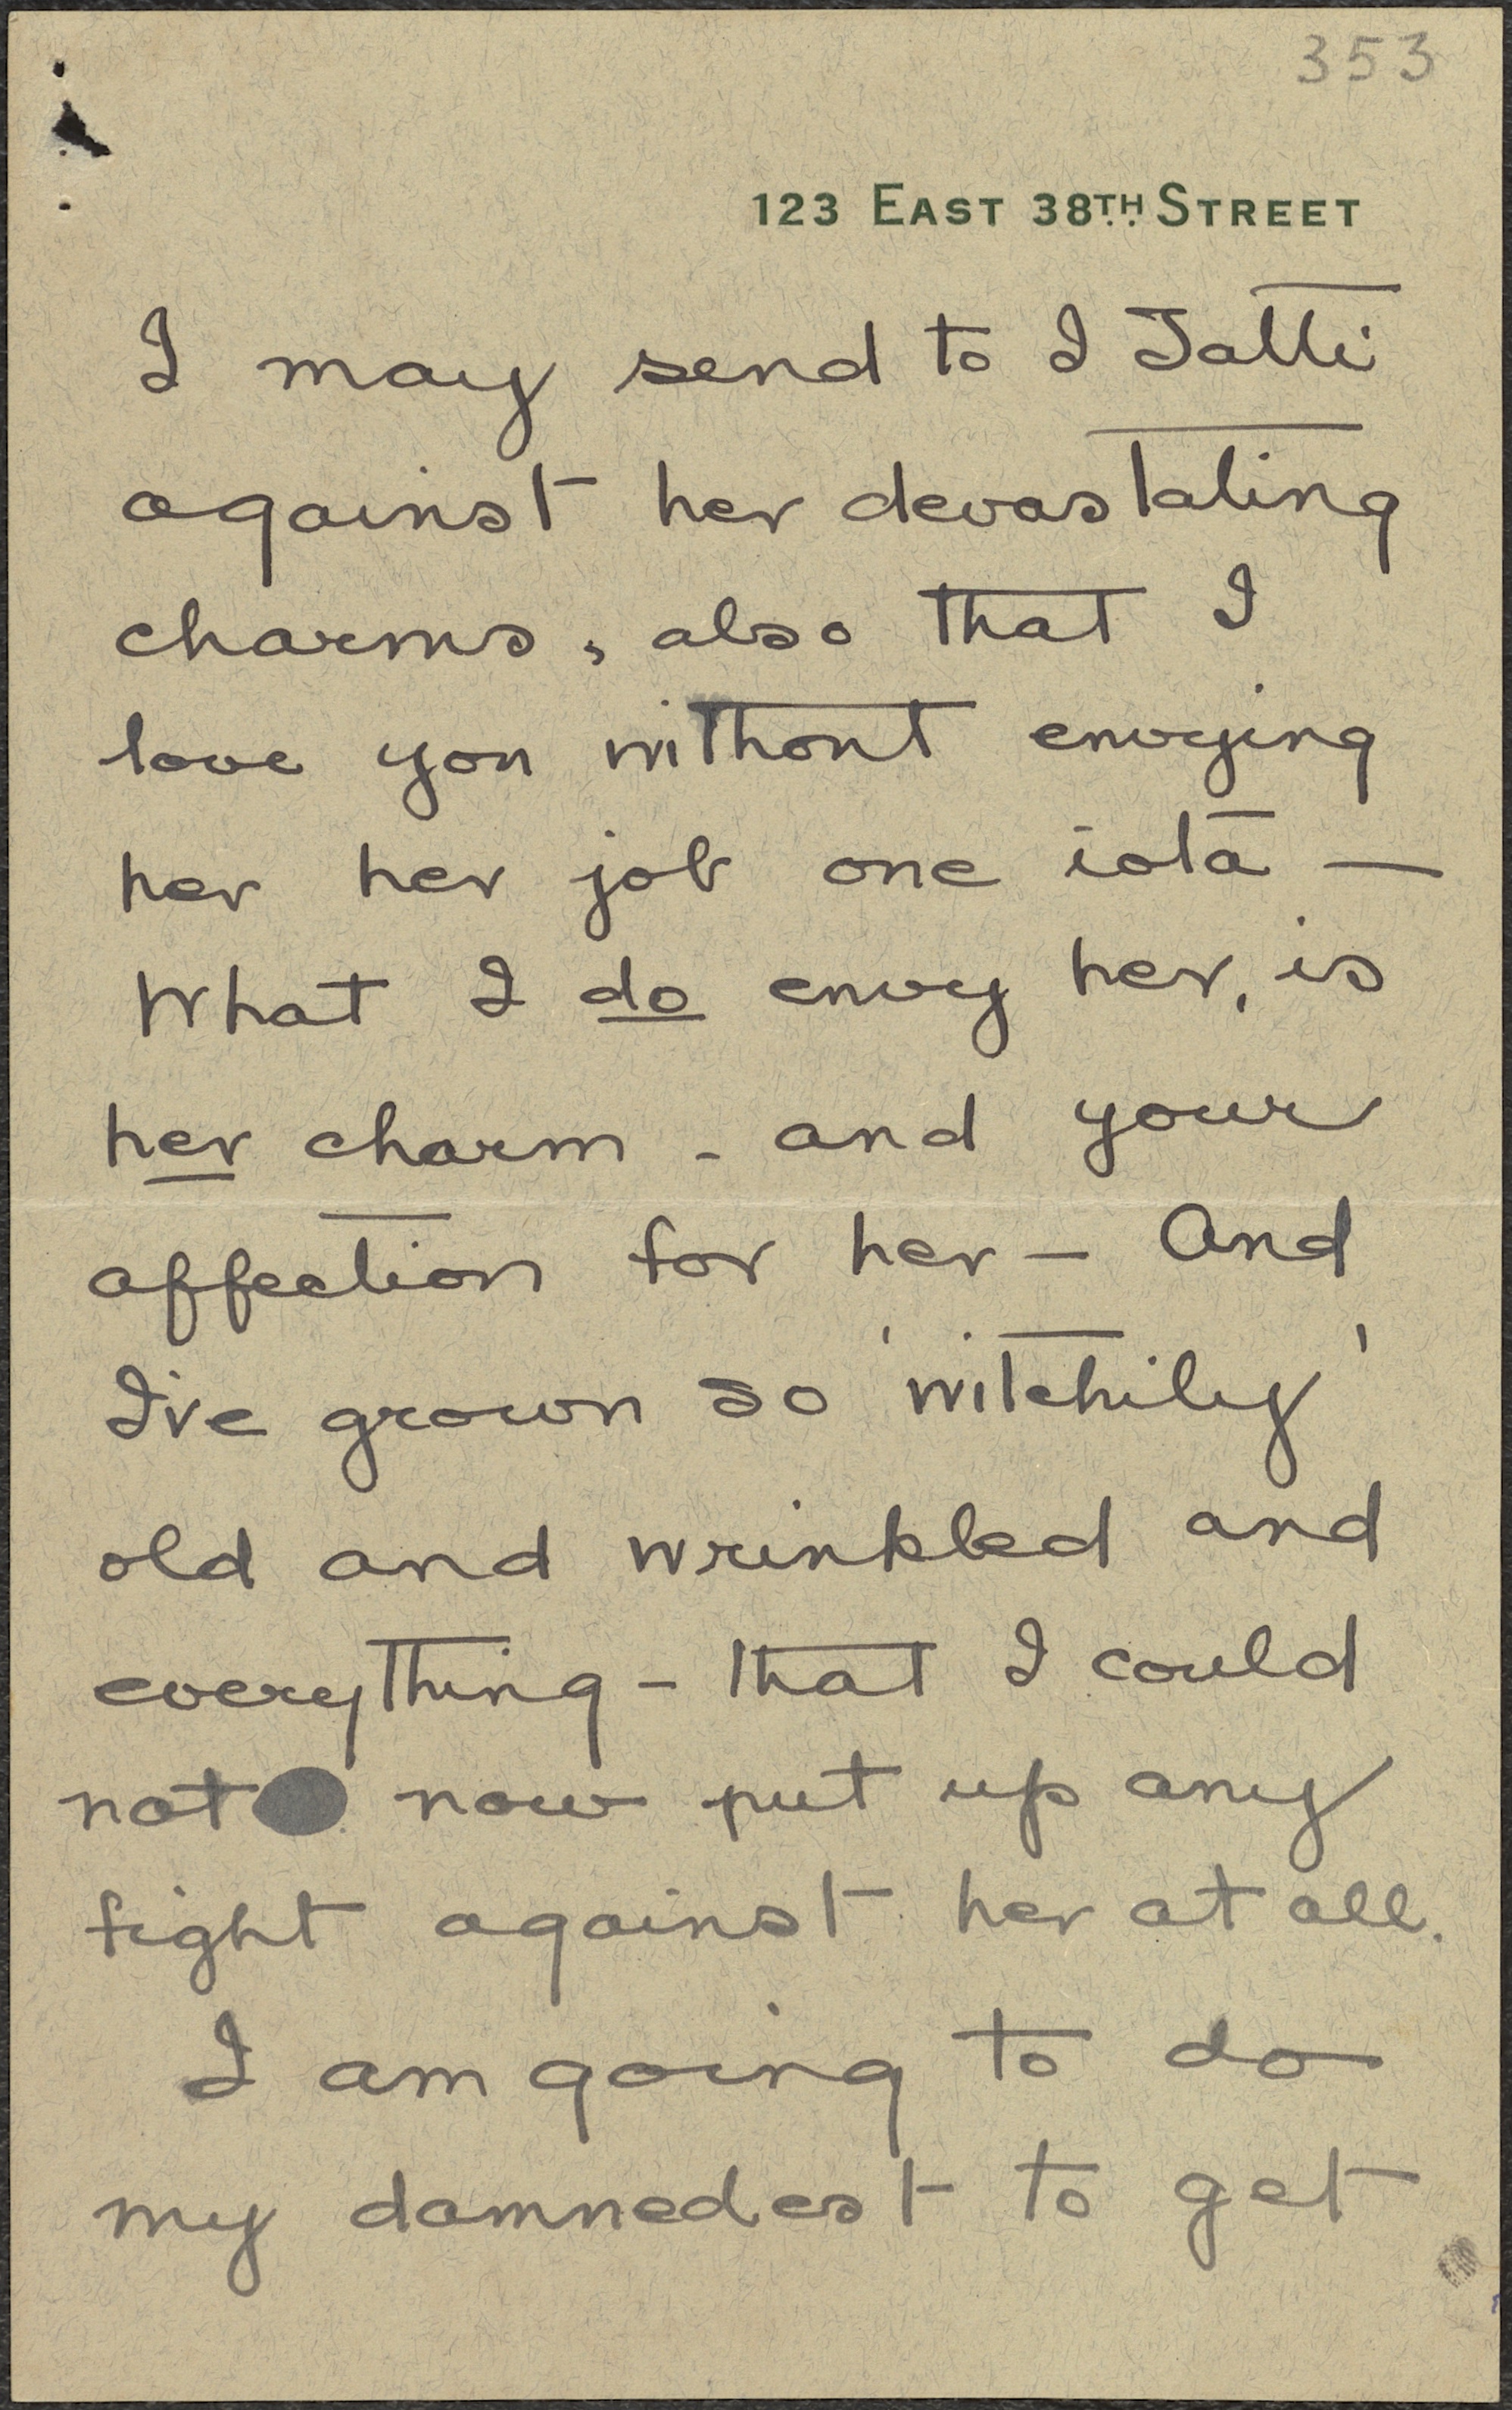I may send to I Tatti against her devastating charms, also that I love you without envying her her job one iota –
What I do envy her, is her charm – and your affection for her – And I’ve grown so ‘witchily’ old and wrinkled and everything – that I could not now put up any fight against her at all.
I am going to do my damnedest to get